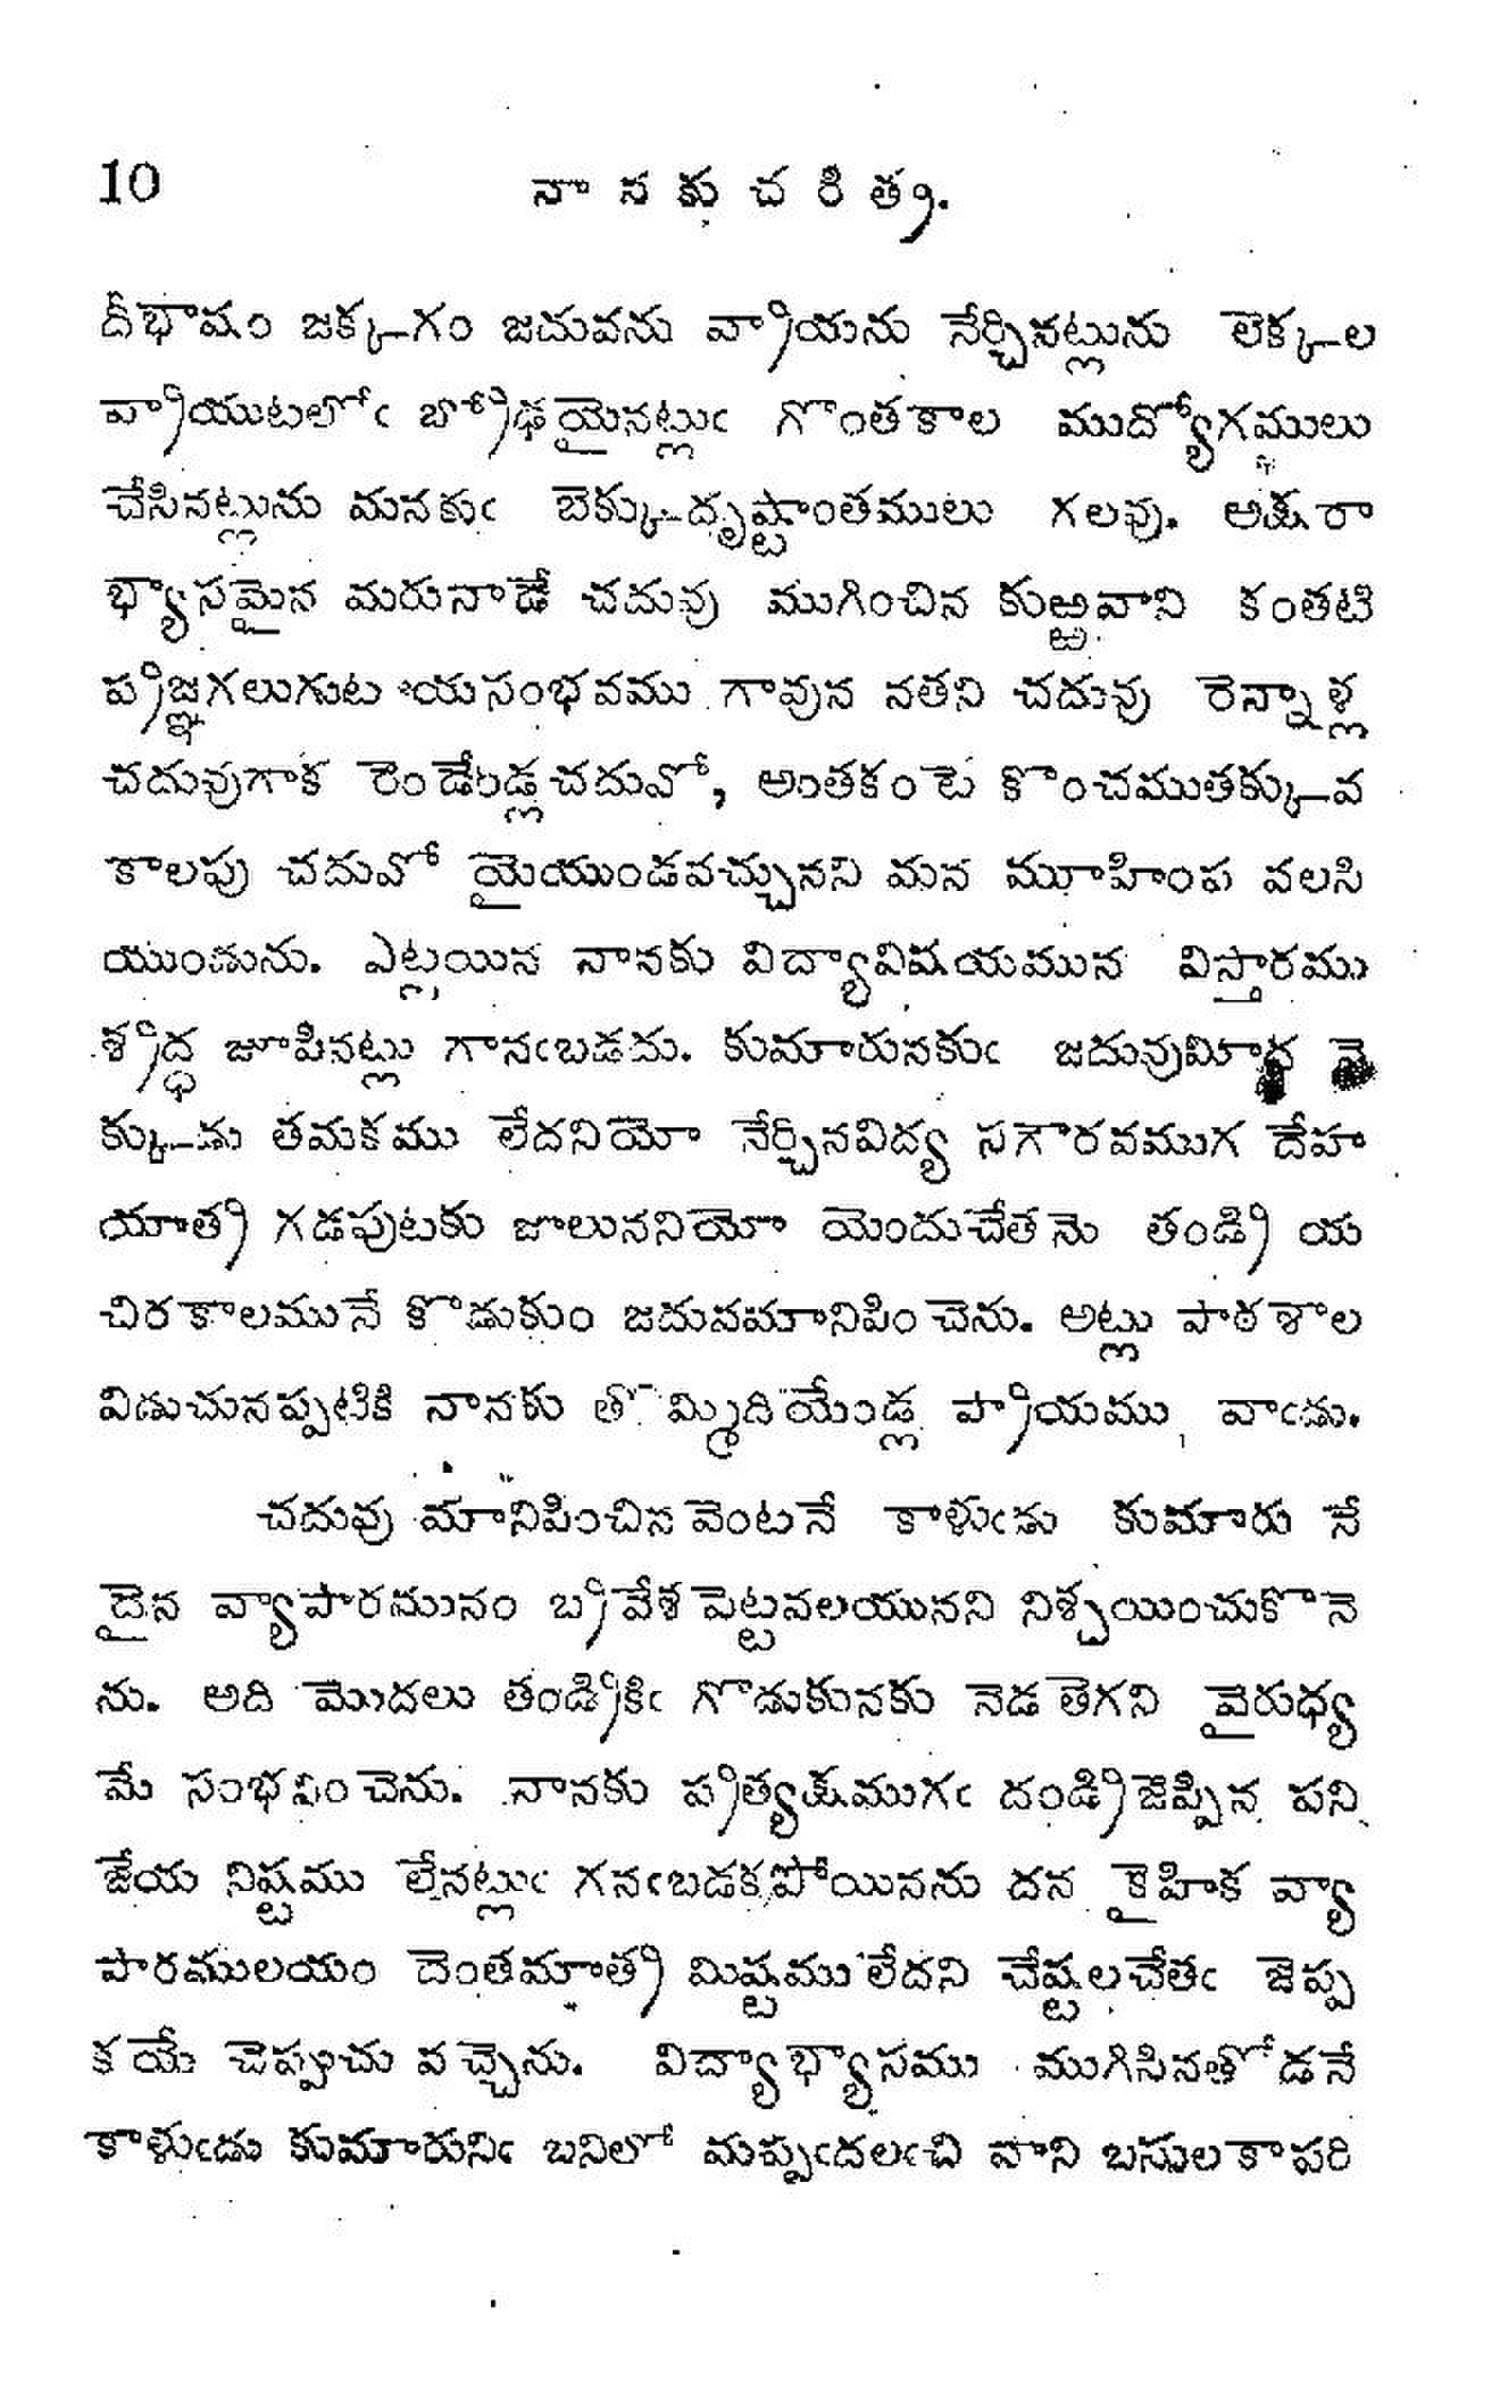దీభాషం జక్కగం జదువను వ్రాయను నేర్చినట్లును లెక్కల వ్రాయుటలో బ్రోడయైనట్లు గొంతకాల ముద్యోగములు చేసినట్లును మనకు బెక్కుదృష్టాంతములు గలవు. అక్షరాభ్యాసమైన మరునాడే చదువు ముగించిన కుఱ్ఱవాని కంతటి ప్రజ్ఞగలుగుట యసంభవము గావున నతని చదువు రెన్నాళ్ల చదువుగాక రెండేండ్లచదువో, అంతకంటె కొంచముతక్కువ కాలపు చదువో యైయుండవచ్చునని మన మూహింప వలసి యుండును. ఎట్లయిన నానకు విద్యావిషయమున విస్తారము శ్రద్ధ జూపినట్లు గానబడదు. కుమారునకు జదువుమీద నెక్కుడు తమకము లేదనియో నేర్చినవిద్య సగౌరవముగ దేహయాత్ర గడపుటకు జాలుననియో యెందుచేతనో తండ్రి యచిరకాలమునే కొడుకుం జదువమానిపించెను. అట్లు పాఠశాల విడుచునప్పటికి నానకు తొమ్మిదియేండ్ల ప్రాయము వాడు.

చదువు మానిపించిన వెంటనే కాళుడు కుమారు నేదైన వ్యాపారమునం బ్రవేశపెట్టవలయునని నిశ్చయించుకొనెను. అది మొదలు తండ్రికి గొడుకునకు నెడతెగని వైరుధ్యమే సంభవించెను. నానకు ప్రత్యక్షముగ దండ్రిజెప్పిన పనిజేయ నిష్టము లేనట్లు గనబడకపోయినను దన కైహిక వ్యాపారములయం దెంతమాత్ర మిష్టము లేదని చేష్టలచేత జెప్పకయే చెప్పుచు వచ్చెను. విద్యాభ్యాసము ముగిసినతోడనే కాళుడు కుమారుని బనిలో మప్పదలచి వాని బసులకాపరి